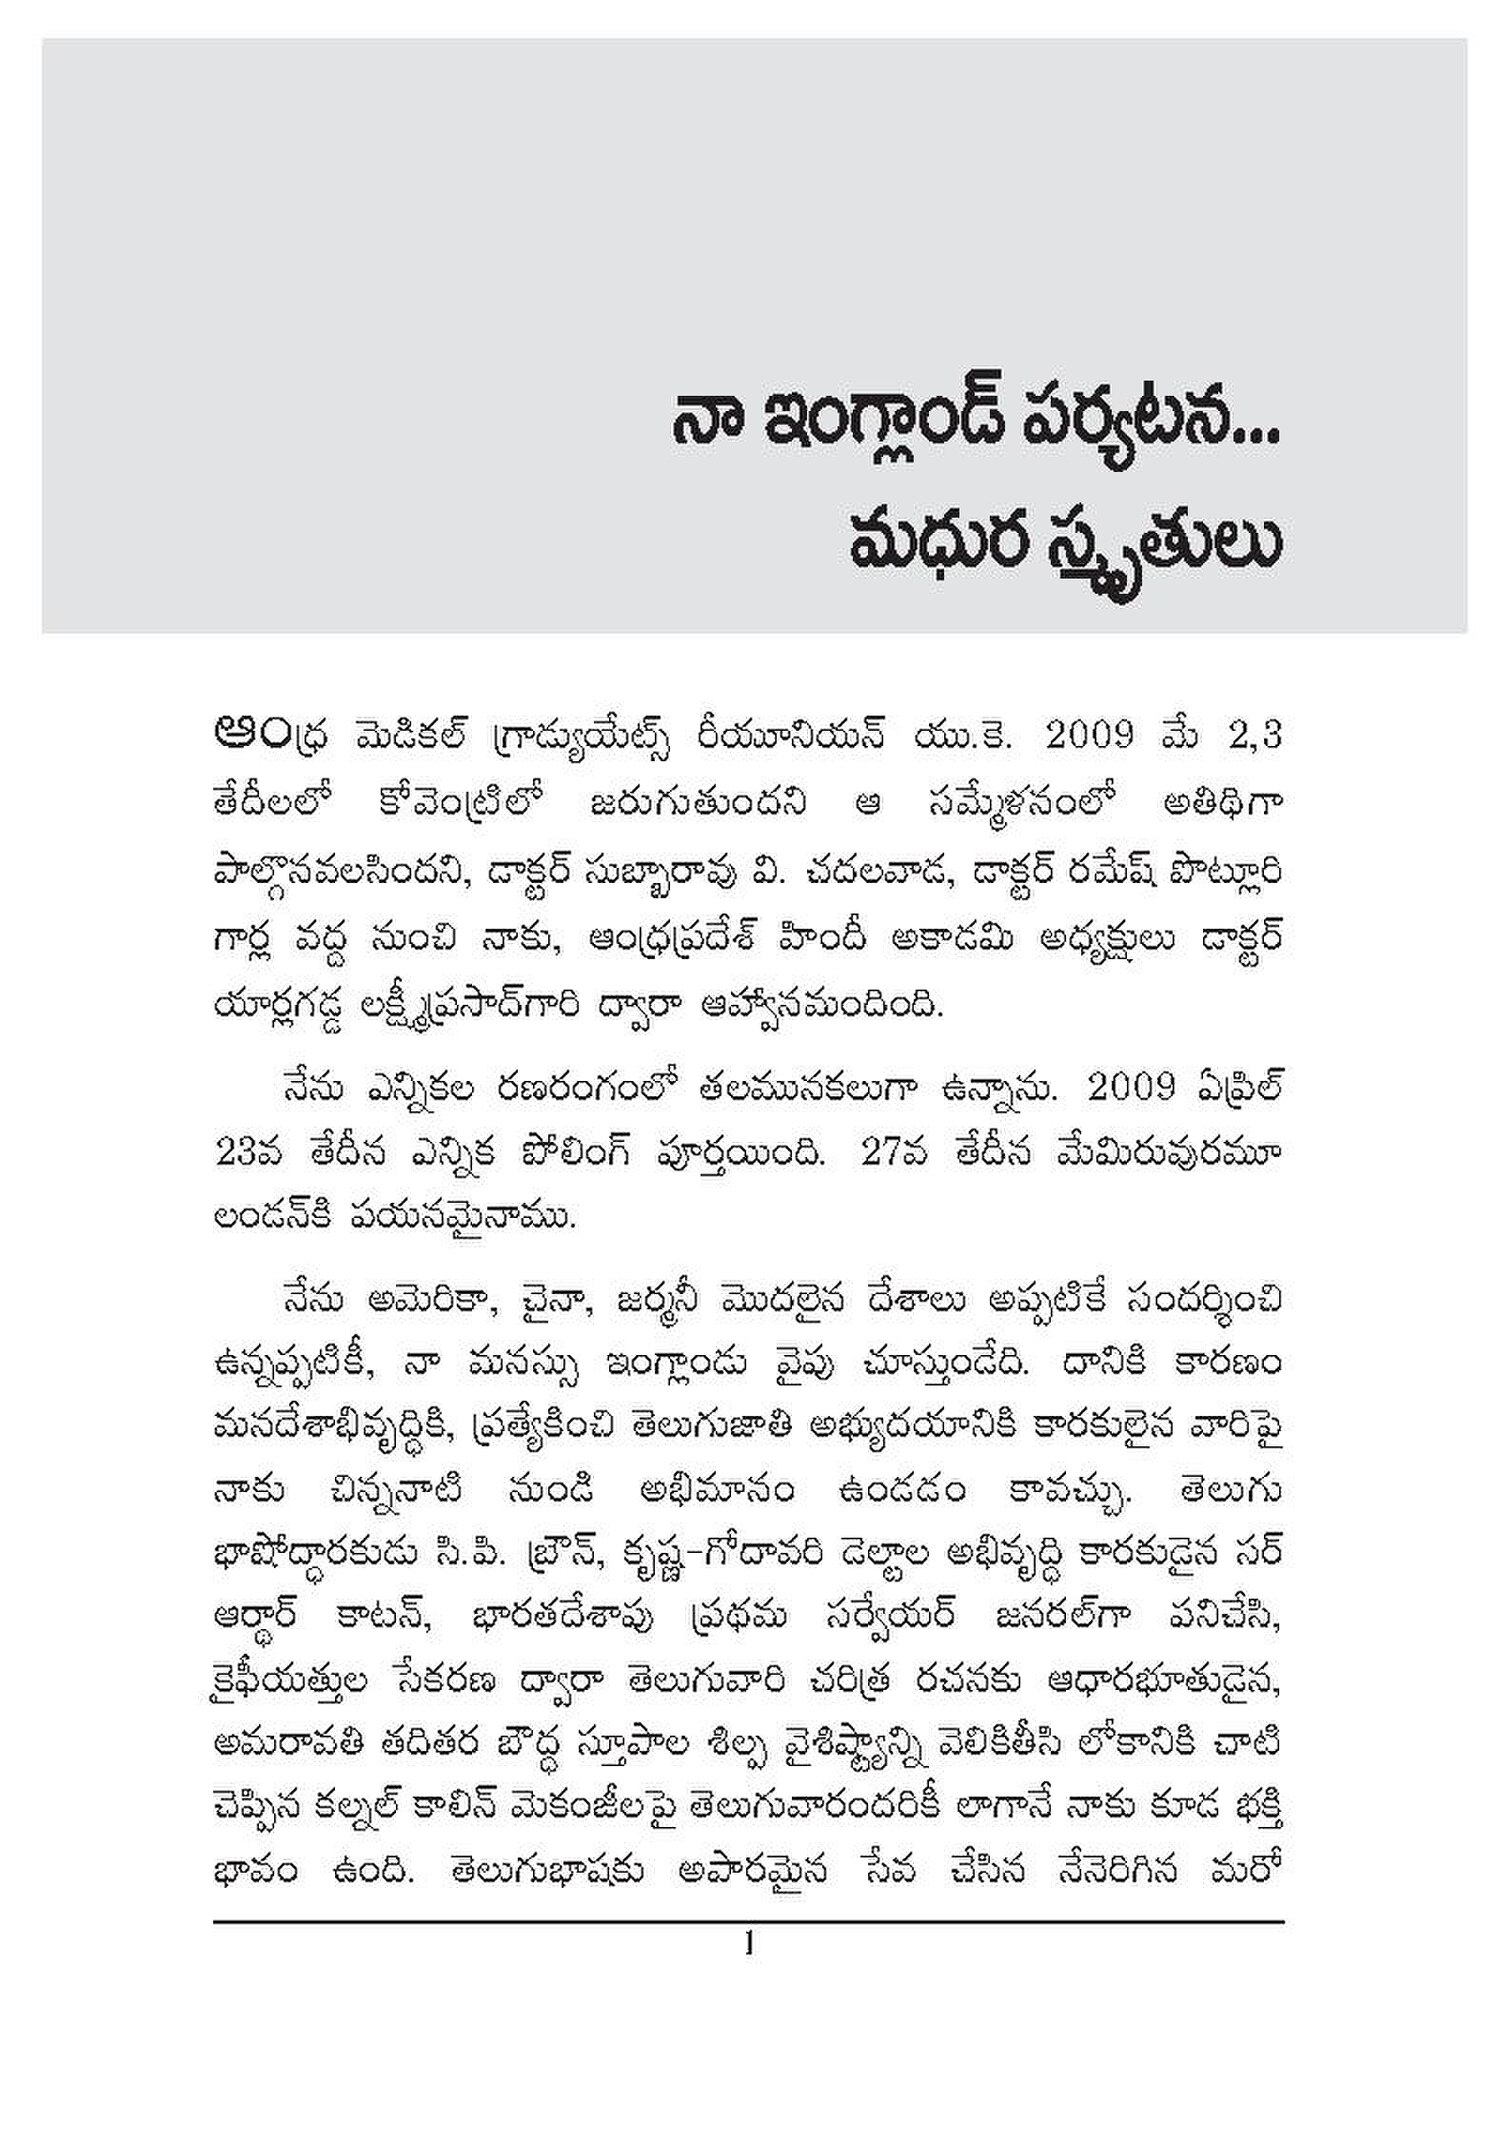ఆంధ్రా మెడికల్‌ గ్రాడ్యుయేట్సు రీయూనియన్‌ యు.కె. 2009 మే 2, 3 తేదీలలో కోవెంట్రీలో జరుగుతుందని ఆ సమ్మేళనంలో అతిథిగా పాల్గొనవలసిందని, డాక్టర్‌ సుబ్బారావు వి. చదలవాడ, డాక్టర్‌ రమేష్‌ పొట్లూరి గార్ల వద్ద నుంచి నాకు, ఆంధ్రప్రదేశ్‌ హిందీ అకాడమి అధ్యక్షులు డాక్టర్‌ యార్లగడ్డ లక్షీప్రసాద్‌గారి ద్వారా ఆహ్వానమందింది.

నేను ఎన్నికల రణరంగంలో తలమునకలుగా ఉన్నాను. 2009 ఏప్రిల్‌ 23వ తేదీన ఎన్నిక పోలింగ్ పూర్తయింది. 27వ తేదీన మేమిరువురమూ లండన్‌కి పయనమైనాము.

నేను అమెరికా, చైనా, జర్మనీ మొదలైన దేశాలు అప్పటికే సందర్శించి ఉన్నప్పటికీ, నా మనస్సు ఇంగ్లాండు వైపు చూస్తుండేది. దానికి కారణం మనదేశాభివృద్ధికి, ప్రత్యేకించి తెలుగుజాతి అభ్యుదయానికి కారకులైన వారిపై నాకు చిన్ననాటి నుండి అభిమానం ఉండడం కావచ్చు. తెలుగు భాషోద్ధారకుడు సి.పి. బ్రౌన్‌, కృష్ణ-గోదావరి డెల్టాల అభివృద్ధి కారకుడైన సర్‌ ఆర్థర్‌ కాటన్‌, భారతదేశపు ప్రథమ సర్వేయర్‌ జనరల్‌గా పనిచేసి, కైఫీయత్తుల సేకరణ ద్వారా తెలుగువారి చరిత్ర రచనకు ఆధారభూతుడైన, అమరావతి తదితర బౌద్ధ స్తూపాల శిల్ప వైశిష్ట్యాన్నివెలికితీసి లోకానికి చాటి చెప్పిన కల్నల్‌ కాలిన్‌ మెకంజీలపై తెలుగువారందరికీ లాగానే నాకు కూడ భక్తి భావం ఉంది. తెలుగుభాషకు అపారమైన సేవ చేసిన నేనెరిగిన మరో